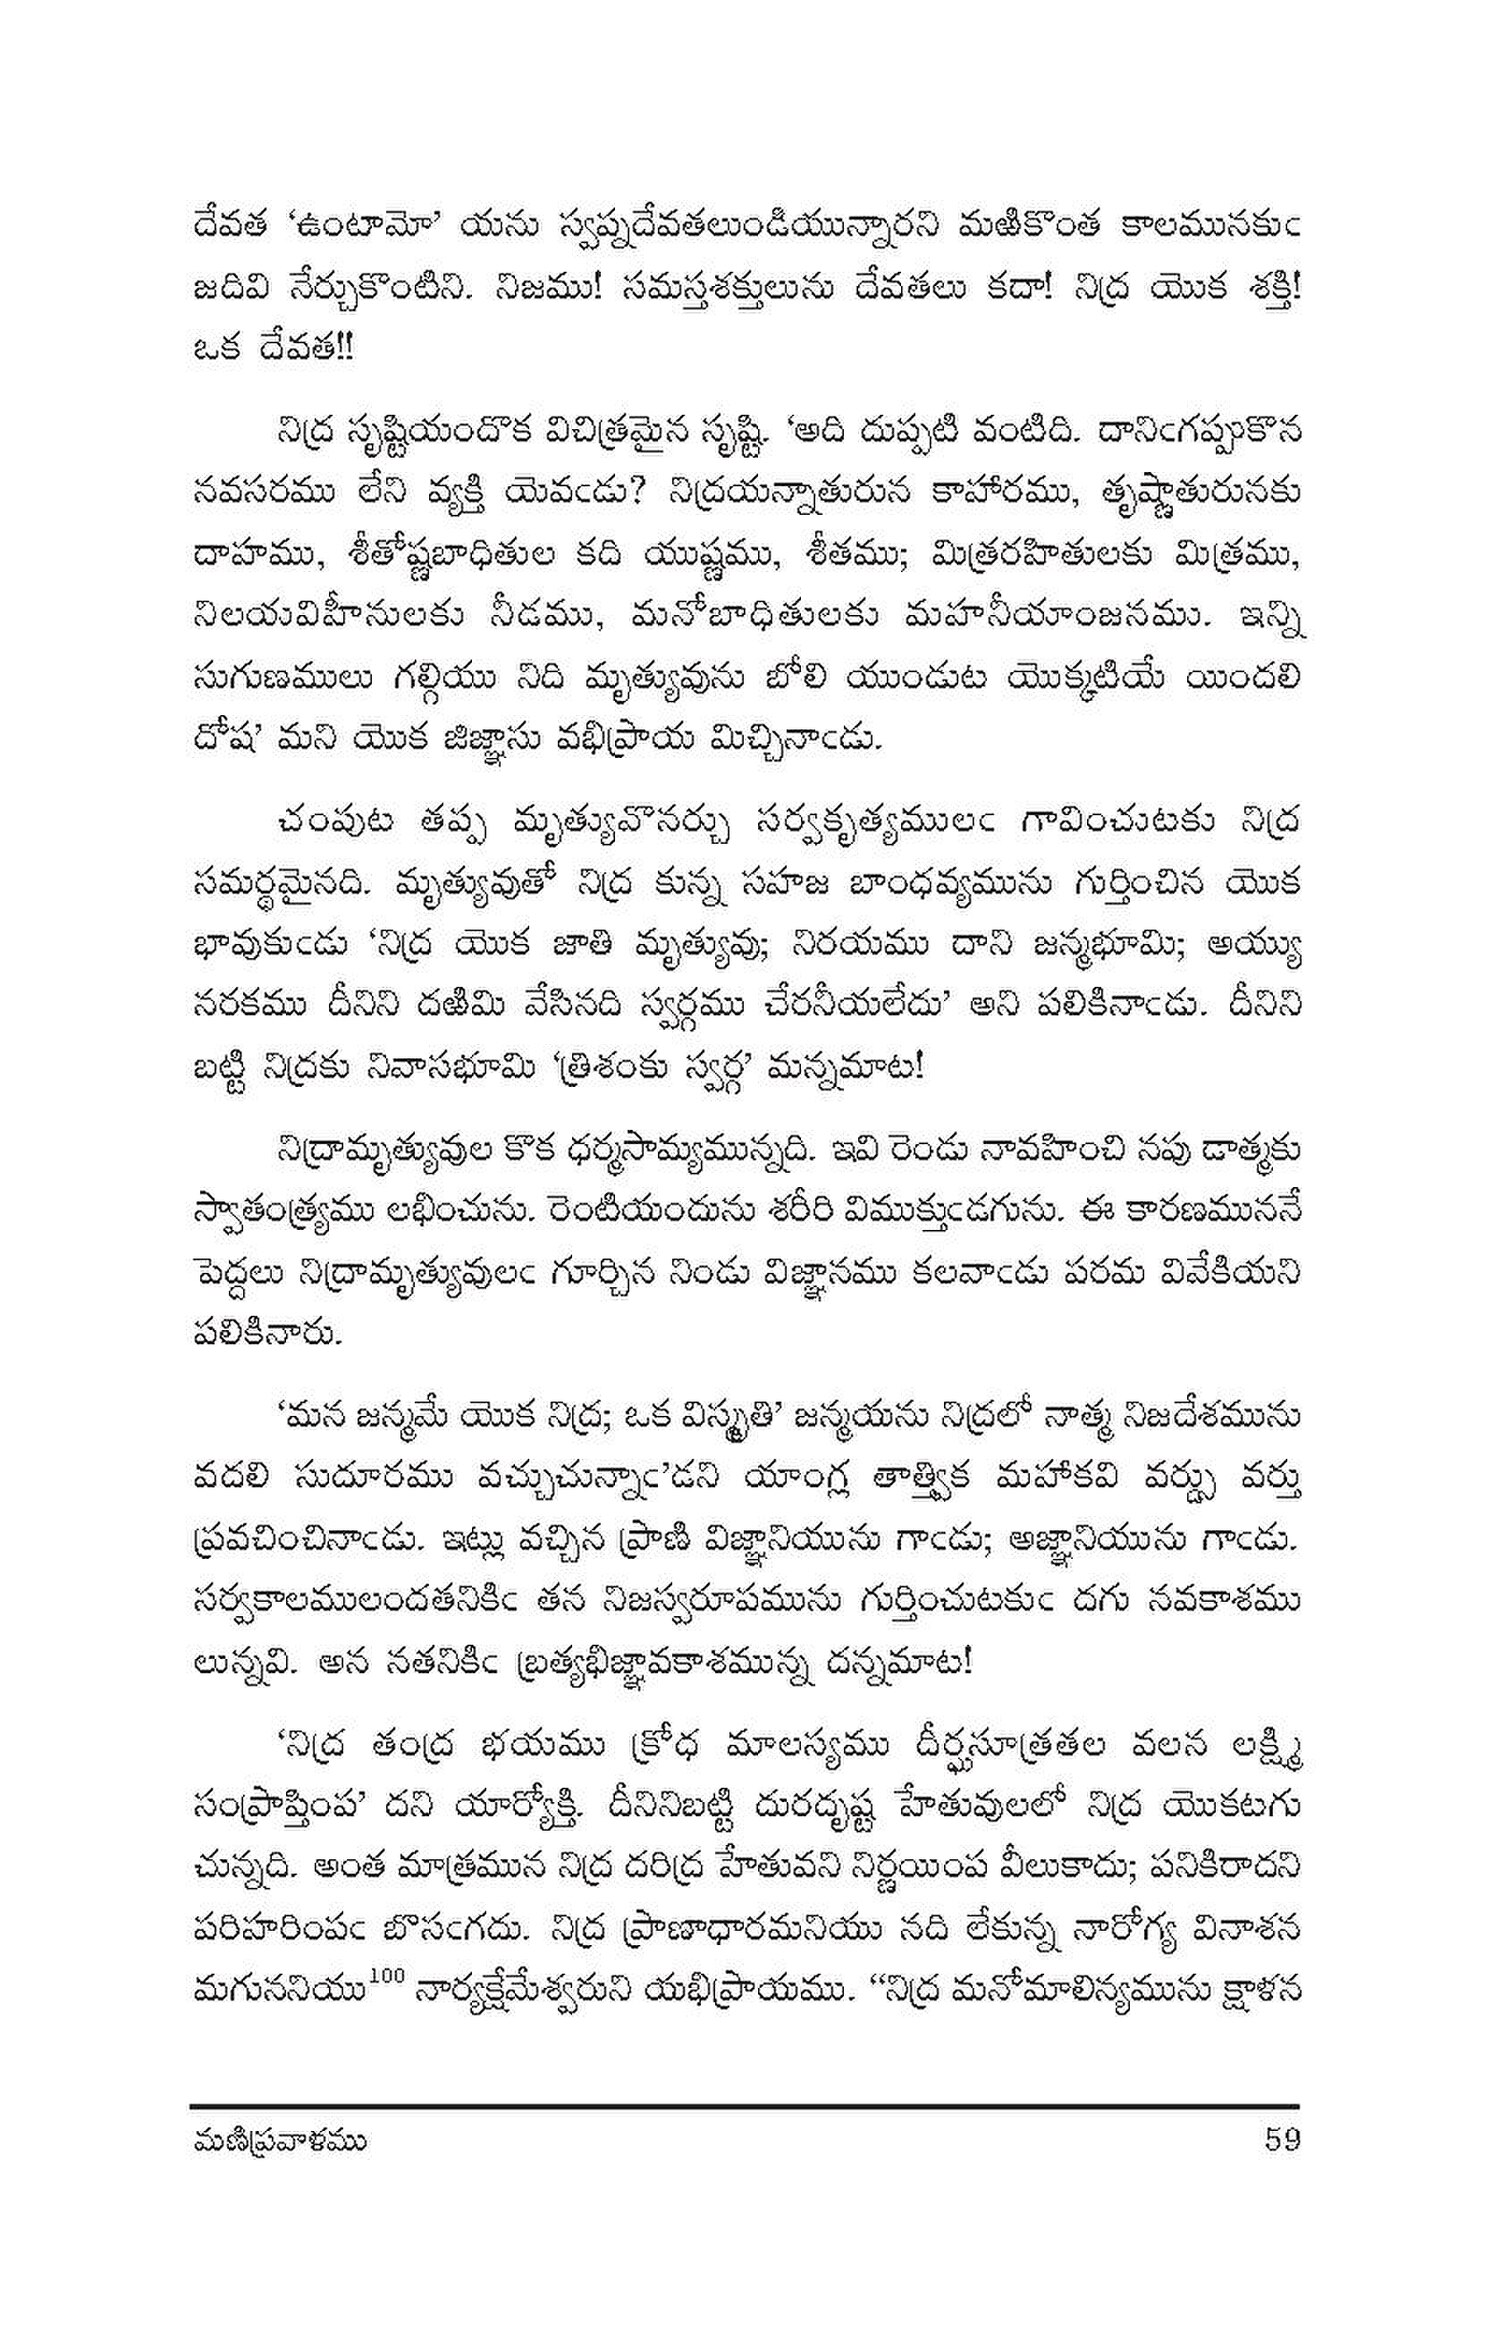దేవత 'ఉంటామో' యను స్వప్నదేవతలుండియున్నారని మఱికొంత కాలమునకుఁ
జదివి నేర్చుకొంటిని. నిజము! సమస్తశక్తులును దేవతలు కదా! నిద్ర యొక శక్తి!
ఒక దేవత!!

నిద్ర సృష్టియందొక విచిత్రమైన సృష్టి. 'అది దుప్పటి వంటిది. దానిఁగప్పుకొన
నవసరము లేని వ్యక్తి యెవఁడు? నిద్రయన్నాతురున కాహారము, తృష్ణాతురునకు
దాహము, శీతోష్ణబాధితుల కది యుష్ణము, శీతము; మిత్రరహితులకు మిత్రము,
నిలయవిహీనులకు నీడము, మనోబాధితులకు మహనీయాంజనము. ఇన్ని
సుగుణములు గల్గియు నిది మృత్యువును బోలి యుండుట యొక్కటియే యిందలి
దోష' మని యొక జిజ్ఞాసు వభిప్రాయ మిచ్చినాఁడు.

చంపుట తప్ప మృత్యువొనర్చు సర్వకృత్యములఁ గావించుటకు నిద్ర
సమర్థమైనది. మృత్యువుతో నిద్ర కున్న సహజ బాంధవ్యమును గుర్తించిన యొక
భావుకుఁడు 'నిద్ర యొక జాతి మృత్యువు; నిరయము దాని జన్మభూమి; అయ్యు
నరకము దీనిని దఱిమి వేసినది స్వర్గము చేరనీయలేదు' అని పలికినాఁడు. దీనిని
బట్టి నిద్రకు నివాసభూమి 'త్రిశంకు స్వర్గ' మన్నమాట!

నిద్రామృత్యువుల కొక ధర్మసామ్యమున్నది. ఇవి రెండు నావహించి నపు డాత్మకు
స్వాతంత్య్రము లభించును. రెంటియందును శరీరి విముక్తుఁడగును. ఈ కారణముననే
పెద్దలు నిద్రామృత్యువులఁ గూర్చిన నిండు విజ్ఞానము కలవాఁడు పరమ వివేకియని
పలికినారు.

‘మన జన్మమే యొక నిద్ర; ఒక విస్మృతి' జన్మయను నిద్రలో నాత్మ నిజదేశమును
వదలి సుదూరము వచ్చుచున్నాఁ'డని యాంగ్ల తాత్విక మహాకవి వర్డ్సువర్తు
ప్రవచించినాఁడు. ఇట్లు వచ్చిన ప్రాణి విజ్ఞానియును గాఁడు; అజ్ఞానియును గాఁడు.
సర్వకాలములందతనికిఁ తన నిజస్వరూపమును గుర్తించుటకుఁ దగు నవకాశము
లున్నవి. అన నతనికిఁ బ్రత్యభిజ్ఞావకాశమున్న దన్నమాట!

'నిద్ర తంద్ర భయము క్రోధ మాలస్యము దీర్ఘసూత్రతల వలన లక్ష్మి
సంప్రాప్తింప' దని యార్యోక్తి. దీనినిబట్టి దురదృష్ట హేతువులలో నిద్ర యొకటగు
చున్నది. అంత మాత్రమున నిద్ర దరిద్ర హేతువని నిర్ణయింప వీలుకాదు; పనికిరాదని
పరిహరింపఁ బొసఁగదు. నిద్ర ప్రాణాధారమనియు నది లేకున్న నారోగ్య వినాశన
మగుననియు నార్యక్షేమేశ్వరుని యభిప్రాయము. "నిద్ర మనోమాలిన్యమును క్షాళన